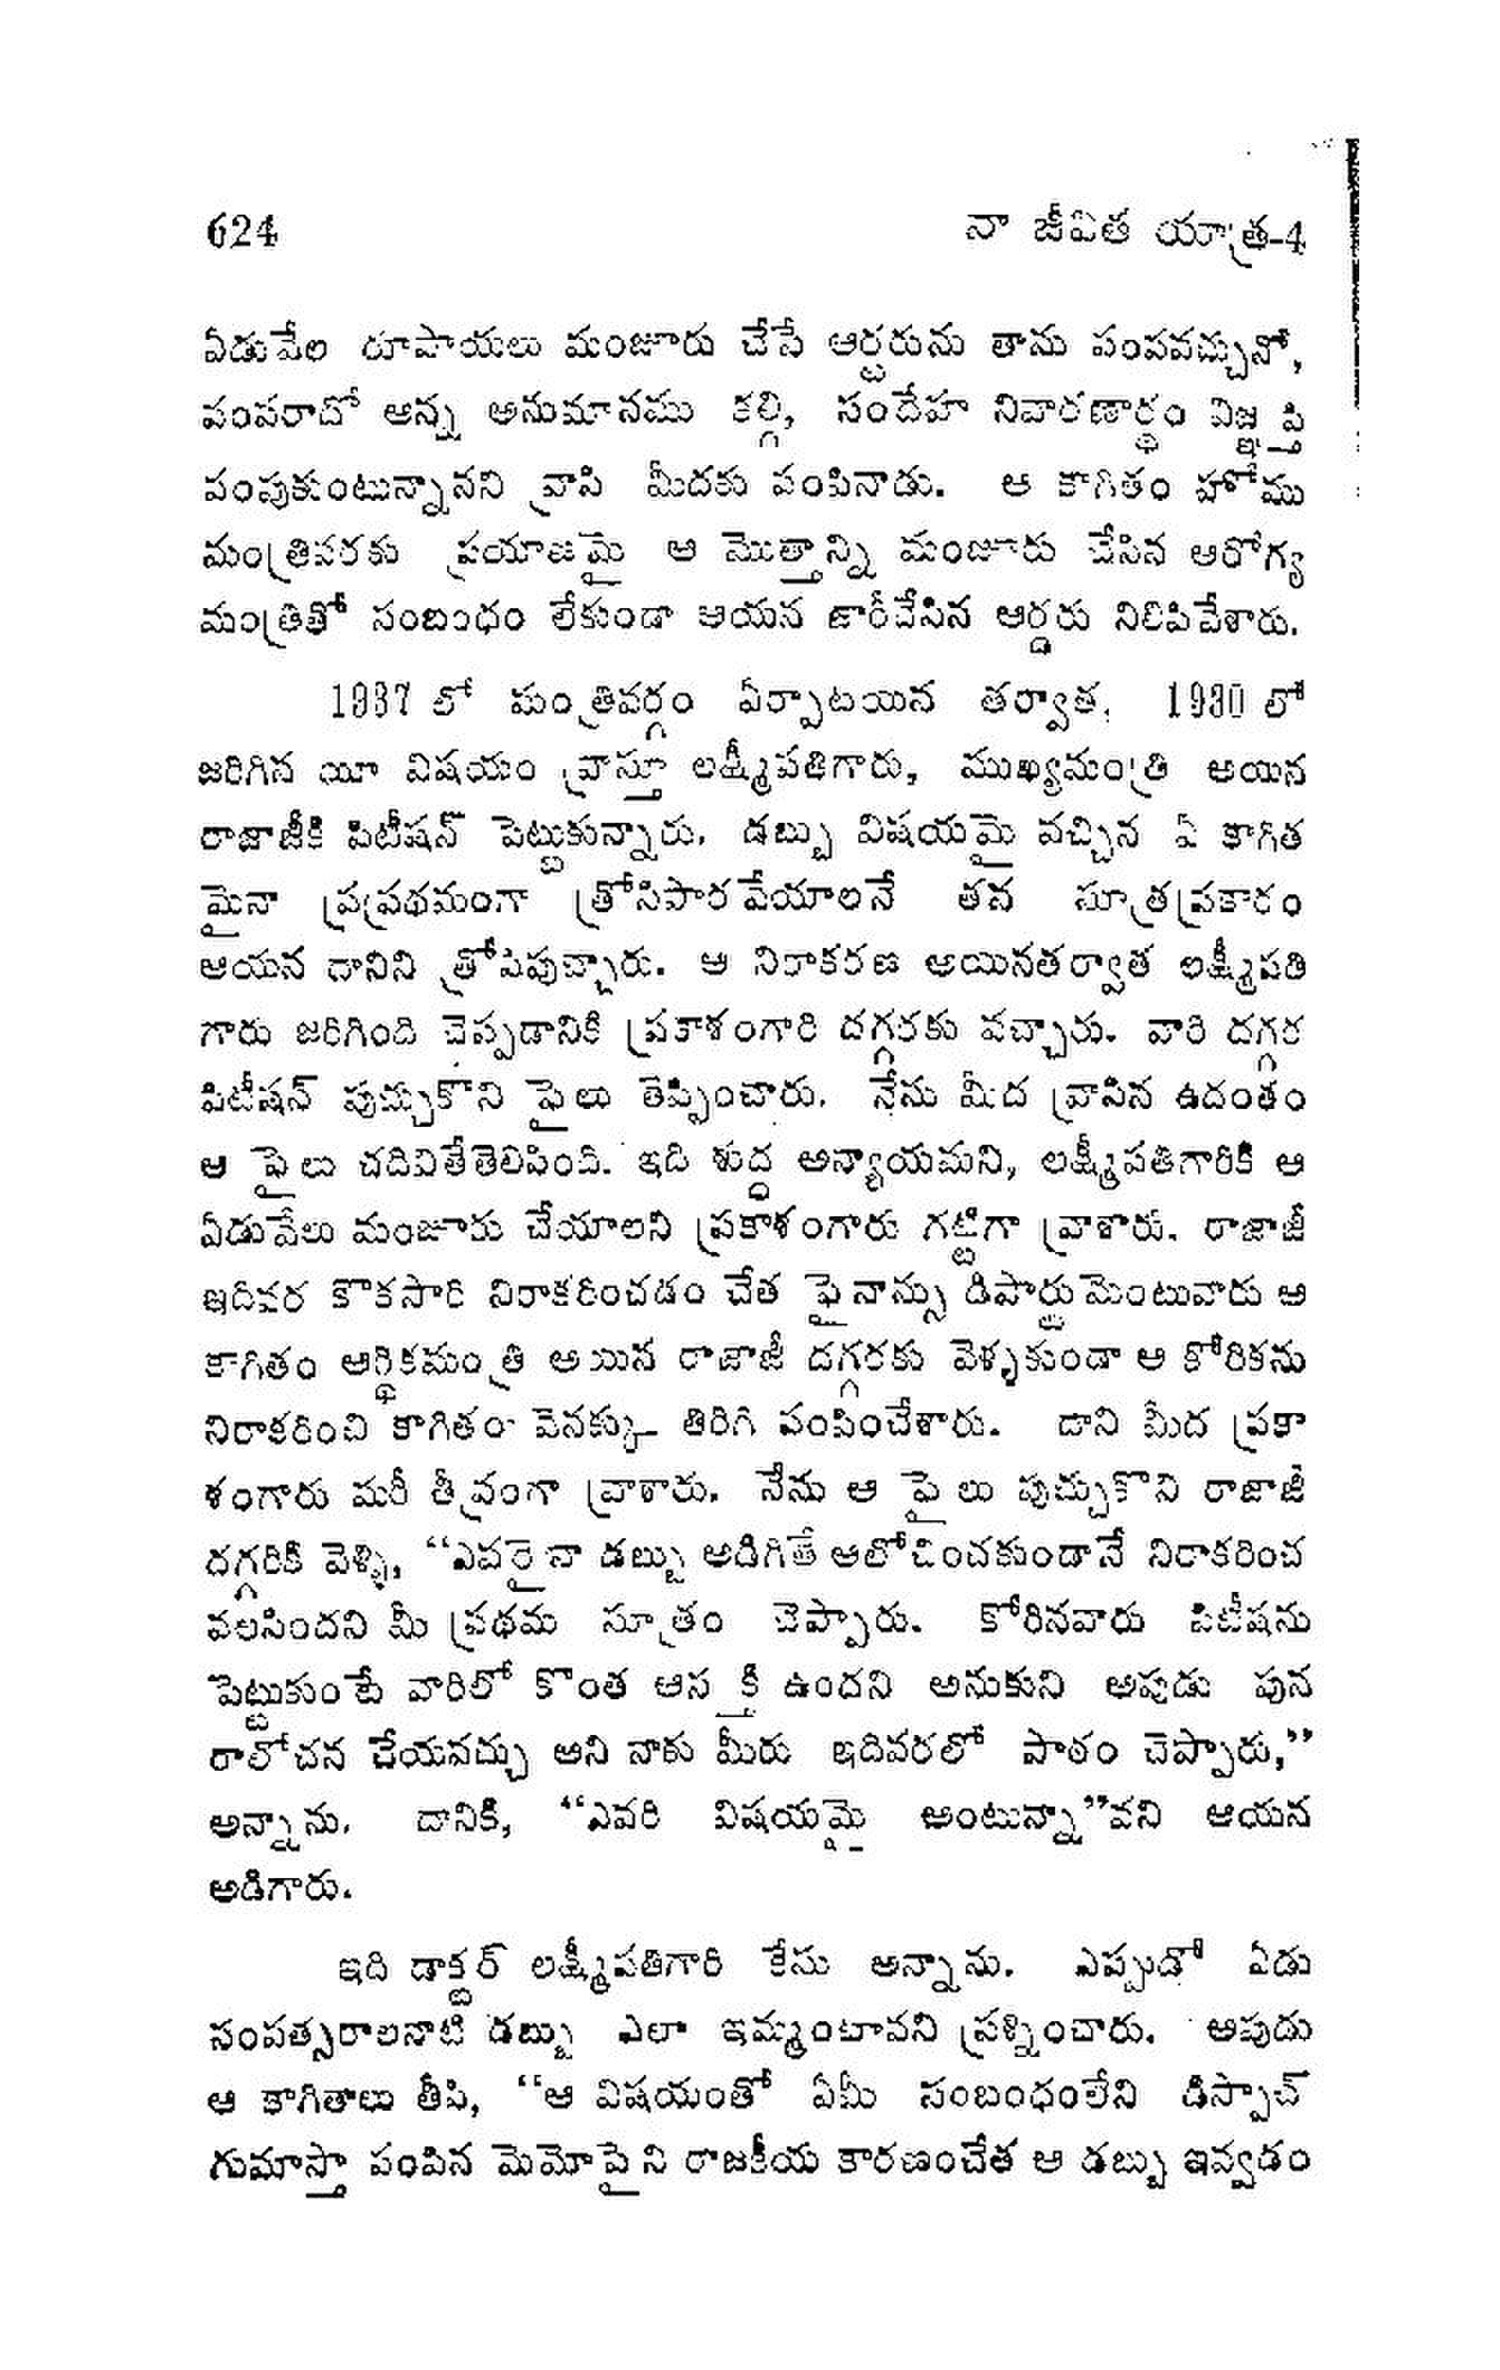ఏడువేల రూపాయలు మంజూరు చేసే ఆర్డరును తాను పంపవచ్చునో, పంపరాదో అన్న అనుమానము కల్గి, సందేహ నివారణార్థం విజ్ఞప్తి పంపుకుంటున్నానని వ్రాసి మీదకు పంపినాడు. ఆ కాగితం హోము మంత్రివరకు ప్రయాణమై ఆ మొత్తాన్ని మంజూరు చేసిన ఆరోగ్యమంత్రితో సంబంధం లేకుండా ఆయన జారీచేసిన ఆర్డరు నిలిపివేశారు.

1937 లో మంత్రివర్గం ఏర్పాటయిన తర్వాత, 1930 లో జరిగిన యీ విషయం వ్రాస్తూ లక్ష్మీపతిగారు, ముఖ్యమంత్రి అయిన రాజాజీకి పిటీషన్ పెట్టుకున్నారు. డబ్బు విషయమై వచ్చిన ఏ కాగితమైనా ప్రప్రథమంగా త్రోసిపారవేయాలనే తన సూత్రప్రకారం ఆయన దానిని త్రోసిపుచ్చారు. ఆ నిరాకరణ అయిన తర్వాత లక్ష్మీపతిగారు జరిగింది చెప్పడానికి ప్రకాశంగారి దగ్గరకు వచ్చారు. వారి దగ్గర పిటీషన్ పుచ్చుకొని ఫైలు తెప్పించారు. నేను మీద వ్రాసిన ఉదంతం ఆ ఫైలు చదివితే తెలిసింది. ఇది శుద్ధ అన్యాయమని, లక్ష్మీపతిగారికి ఆ ఏడువేలు మంజూరు చేయాలని ప్రకాశంగారు గట్టిగా వ్రాశారు. రాజాజీ ఇదివర కొకసారి నిరాకరించడం చేత ఫైనాన్సు డిపార్టుమెంటువారు ఆ కాగితం ఆర్థికమంత్రి అయిన రాజాజీ దగ్గరకు వెళ్ళకుండా ఆ కోరికను నిరాకరించి కాగితం వెనక్కు తిరిగి పంపించేశారు. దాని మీద ప్రకాశంగారు మరీ తీవ్రంగా వ్రాశారు. నేను ఆ ఫైలు పుచ్చుకొని రాజాజీ దగ్గరికి వెళ్ళి, "ఎవరైనా డబ్బు అడిగితే ఆలోచించకుండానే నిరాకరించవలసిందని మీ ప్రథమ సూత్రం చెప్పారు. కోరినవారు పిటిషను పెట్టుకుంటే వారిలో కొంత ఆసక్తి ఉందని అనుకుని అపుడు పునరాలోచన చేయవచ్చు అని నాకు మీరు ఇదివరలో పాఠం చెప్పారు," అన్నాను. దానికి, "ఎవరి విషయమై అంటున్నా"వని ఆయన అడిగారు.

ఇది డాక్టర్ లక్ష్మీపతిగారి కేసు అన్నాను. ఎప్పుడో ఏడు సంవత్సరాలనాటి డబ్బు ఎలా ఇమ్మంటావని ప్రశ్నించారు. అపుడు ఆ కాగితాలు తీసి, "ఆ విషయంతో ఏమీ సంబంధంలేని డిస్పాచ్ గుమాస్తా పంపిన మెమోపైని రాజకీయ కారణంచేత ఆ డబ్బు ఇవ్వడం